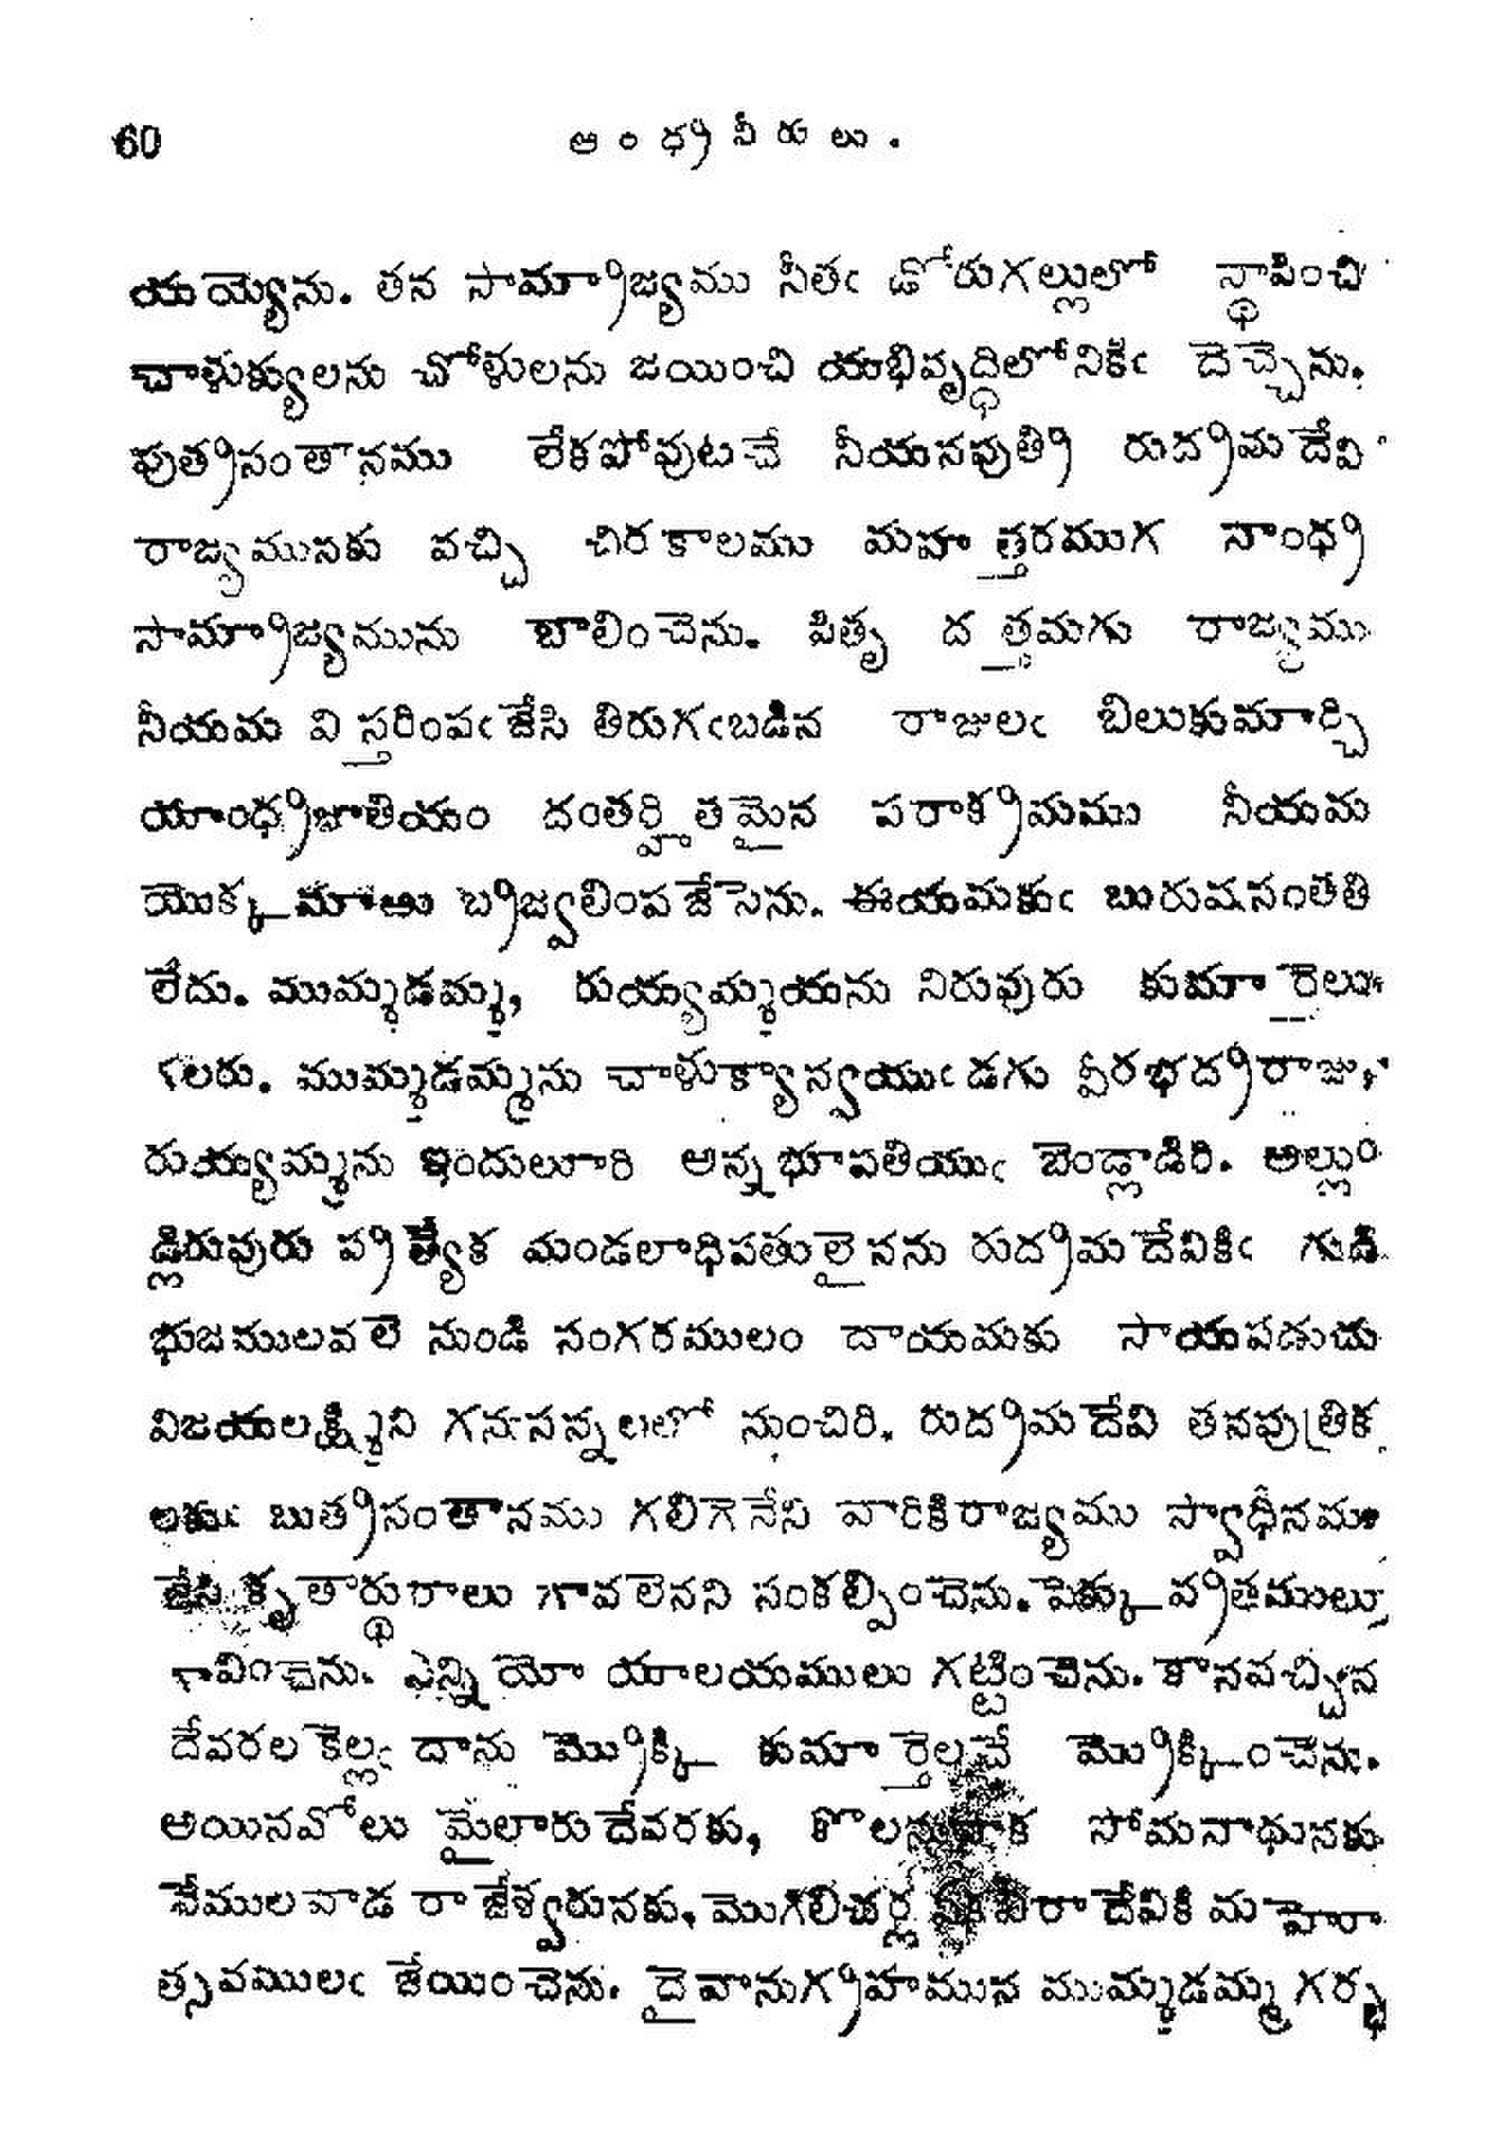యయ్యెను. తన సామ్రాజ్యము నీత డోరుగల్లులో స్థాపించి చాళుక్యులను చోళులను జయించి యభివృద్ధిలోనికి దెచ్చెను. పుత్రసంతానము లేకపొవుటచే నీయనపుత్రి రుద్రమదేవి రాజ్యమునకు వచ్చి చిరకాలము మహత్తరముగ నాంధ్ర సామ్రాజ్యమును బాలించెను. పితృ దత్తమగు రాజ్యము నీయమ విస్తరింపజేసి తిరుగబడిన రాజుల బిలుకుమార్చి యాంధ్రజాతియం దంతర్హితమైన పరాక్రమము నీయమ యొక్కమాఱు బ్రజ్వలింపజేసెను. ఈయమకు బురుషసంతతి లేదు. ముమ్మడమ్మ, రుయ్యమ్మయను నిరువురు కుమార్తెలు గలరు. ముమ్మడమ్మను చాళుక్యాన్వయుడగు వీరభద్రరాజు, రుయ్యమ్మను ఇందులూరి అన్నభూపతియు బెండ్లాడిరి. అల్లుండ్లిరువురు ప్రత్యేక మండలాధిపతులైనను రుద్రమదేవికి గుడి భుజముల వలె నుండి సంగరములం దాయమకు సాయపడుచు విజయలక్ష్మిని గనుసన్నలలో నుంచిరి. రుద్రమదేవి తనపుత్రికలకు బుత్రసంతానము గలిగెనేని వారికి రాజ్యము స్వాధీనము జేసి కృతార్థురాలు గావలెనని సంకల్పించెను. పెక్కువ్రతములు గావించెను. ఎన్నియో యాలయములు గట్టించెను. కానవచ్చిన దేవరలకెల్ల దాను మ్రొక్కి కుమార్తెలచే మ్రొక్కించెను. అయినవోలు మైలారుదేవరకు, కొలనుపాక సోమనాథునకు, వేములవాడ రాజేశ్వరునకు, మొగిలిచర్ల ఏకవీరాదేవికి మహోత్సవముల జేయించెను. దైవానుగ్రహమున ముమ్మడమ్మ గర్భ